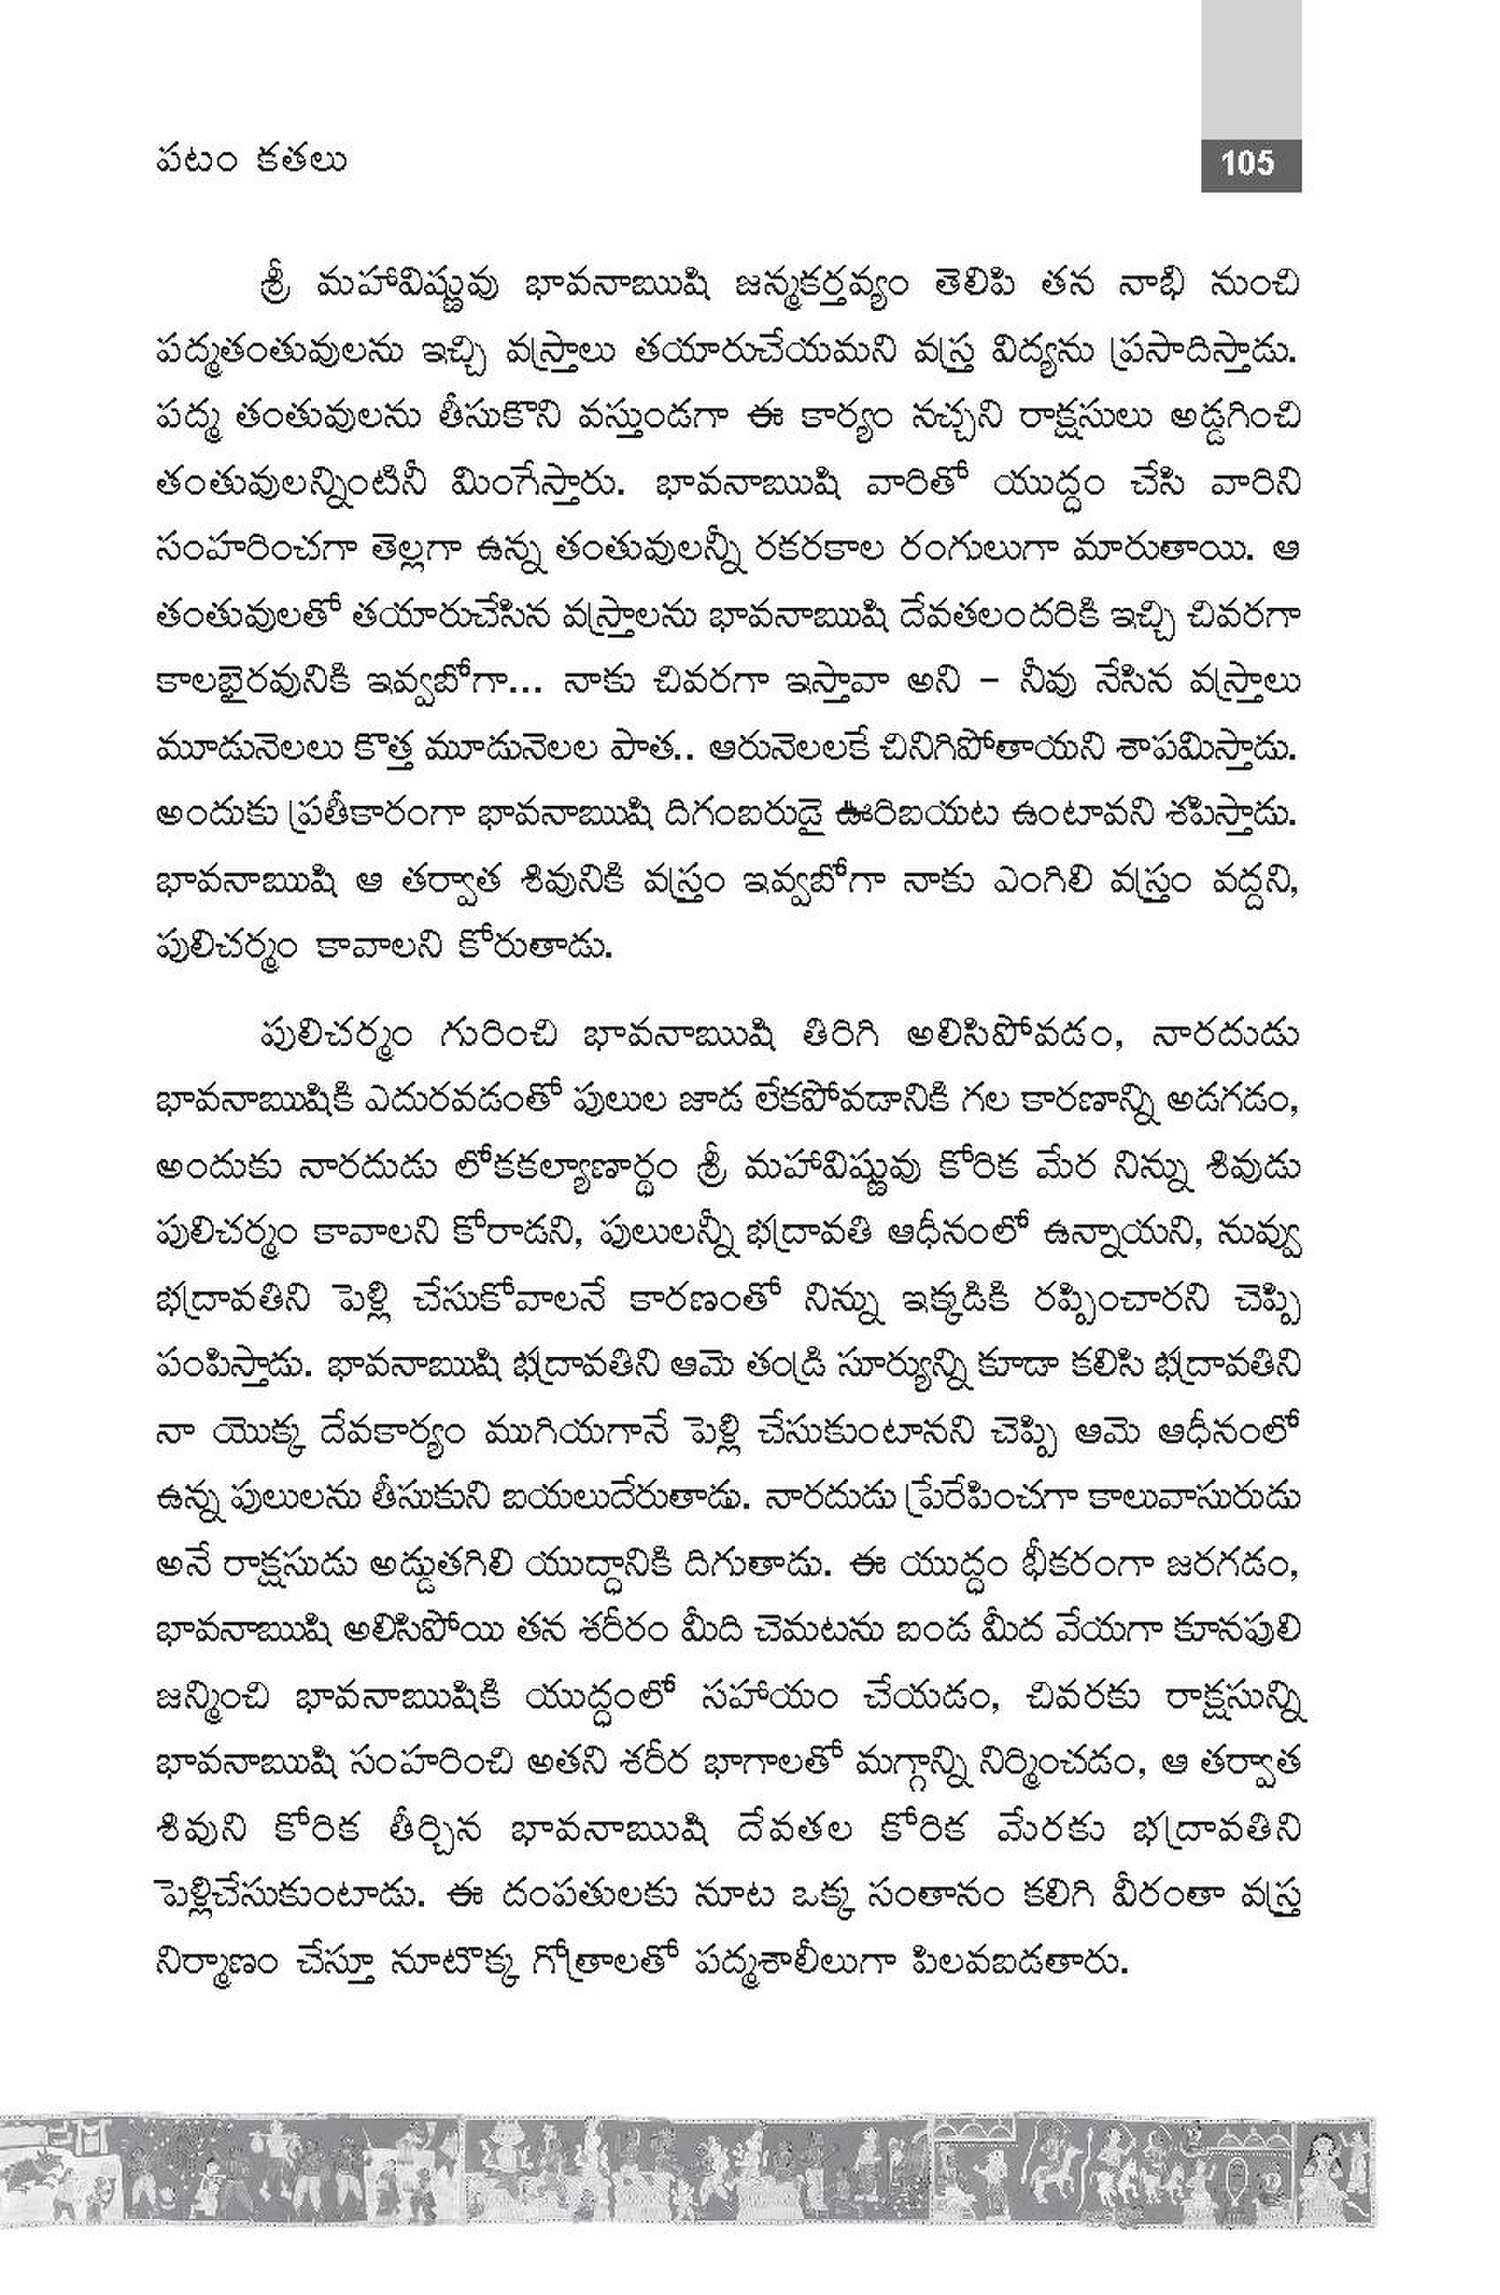శ్రీ మహావిష్ణువు భావనాఋషి జన్మకర్తవ్యం తెలిపి తన నాభి నుంచి పద్మతంతువులను ఇచ్చి వస్త్రాలు తయారుచేయమని వస్త్ర విద్యను ప్రసాదిస్తాడు. పద్మ తంతువులను తీసుకొని వస్తుండగా ఈ కార్యం నచ్చని రాక్షసులు అడ్డగించి
తంతువులన్నింటినీ మింగేస్తారు. భావనాఋషి వారితో యుద్ధం చేసి వారిని సంహరించగా తెల్లగా ఉన్న తంతువులన్నీ రకరకాల రంగులుగా మారుతాయి. ఆ తంతువులతో తయారుచేసిన వస్త్రాలను భావనాఋషి దేవతలందరికి ఇచ్చి చివరగా
కాలభైరవునికి ఇవ్వబోగా... నాకు చివరగా ఇస్తావా అని - నీవు నేసిన వస్త్రాలు మూడునెలలు కొత్త మూడునెలల పాత.. ఆరునెలలకే చినిగిపోతాయని శాపమిస్తాడు. అందుకు ప్రతీకారంగా భావనాఋషి దిగంబరుడై ఊరిబయట ఉంటావని శపిస్తాడు. భావనాఋషి ఆ తర్వాత శివునికి వస్త్రం ఇవ్వబోగా నాకు ఎంగిలి వస్త్రం వద్దని, పులిచర్మం కావాలని కోరుతాడు.

పులిచర్మం గురించి భావనాఋషి తిరిగి అలిసిపోవడం, నారదుడు భావనాఋషికి ఎదురవడంతో పులుల జాడ లేకపోవడానికి గల కారణాన్ని అడగడం, అందుకు నారదుడు లోకకల్యాణార్ధం శ్రీ మహావిష్ణువు కోరిక మేర నిన్ను శివుడు
పులిచర్మం కావాలని కోరాడని, పులులన్నీ భద్రావతి ఆధీనంలో ఉన్నాయని, నువ్వు భద్రావతిని పెళ్లి చేసుకోవాలనే కారణంతో నిన్ను ఇక్కడికి రప్పించారని చెప్పి పంపిస్తాడు. భావనాఋషి భద్రావతిని ఆమె తండ్రి సూర్యున్ని కూడా కలిసి భద్రావతిని నా యొక్క దేవకార్యం ముగియగానే పెళ్లి చేసుకుంటానని చెప్పి ఆమె ఆధీనంలో ఉన్న పులులను తీసుకుని బయలుదేరుతాడు. నారదుడు ప్రేరేపించగా కాలువాసురుడు అనే రాక్షసుడు అడ్డుతగిలి యుద్ధానికి దిగుతాడు. ఈ యుద్ధం భీకరంగా జరగడం, భావనాఋషి అలిసిపోయి తన శరీరం మీది చెమటను బండ మీద వేయగా కూనపులి
జన్మించి భావనాఋషికి యుద్ధంలో సహాయం చేయడం, చివరకు రాక్షసున్ని భావనాఋషి సంహరించి అతని శరీర భాగాలతో మగ్గాన్ని నిర్మించడం, ఆ తర్వాత శివుని కోరిక తీర్చిన భావనాఋషి దేవతల కోరిక మేరకు భద్రావతిని
పెళ్లిచేసుకుంటాడు. ఈ దంపతులకు నూట ఒక్క సంతానం కలిగి వీరంతా వస్త్ర నిర్మాణం చేస్తూ నూటొక్క గోత్రాలతో పద్మశాలీలుగా పిలవబడతారు.